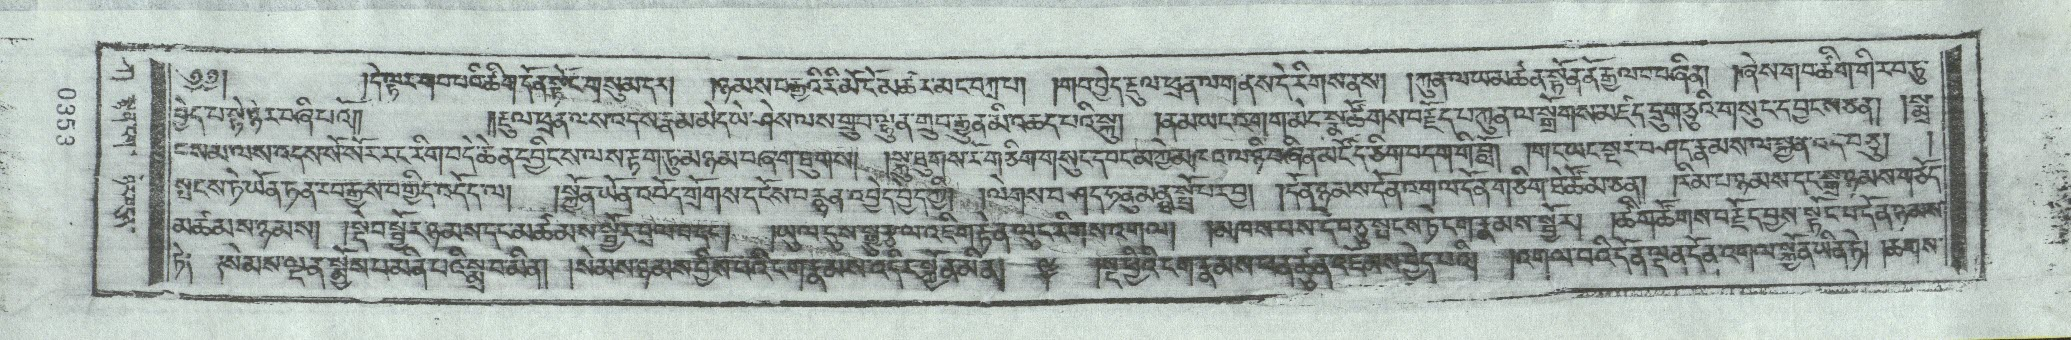༄༅། །དེ་ལྟར་གང་བའི་ཚིག་དོན་སྟོང་གསུམ་དར། །ཉམས་བརྒྱའི་རི་མོ་ངོ་མཚར་མང་བཀྲ་པ། །གབ་བྱེད་རྡུལ་ཕྲན་ལ་གནས་དེ་རིགས་ནས། །ཀུན་ལ་ཡ་མཚན་སྟོན་ནོ་རྒྱལ་བ་བཞིན། །ཞེས་གབ་ཚིག་གི་རབ་ཏུ་
བྱེད་པ་སྟེ་ཉེར་བཞི་པའོ།། །།རྡུལ་ཕྲན་ལས་འདས་རྣམ་མེད་ཡེ་ཤེས་ལས་གྲུབ་ལྷུན་གྲུབ་རྒྱུན་མི་འཆད་པའི་སྐུ། །ནམ་ཡང་འགག་མེད་སྣ་ཚོགས་བརྗོད་པ་ཀུན་ལ་སྒྲོགས་མཛད་དྲུག་ཅུའི་གསུམ་དབྱངས་ཅན། །སྨྲ་
བསམ་ལས་འདས་སོ་སོར་རང་རིག་བདེ་ཆེན་དབྱིངས་ལས་རྟག་ཏུ་མཉམ་བཞག་ཐུགས། །སྐུ་ཐུགས་རོ་གཅིག་གསུང་དབང་མ་ཀྱེ་མཁའ་ལ་ཉི་བཞིན་མཛོད་ཅིག་བདག་གི་བློ། །གང་ཡང་སྔར་བཤད་རྣམས་ལ་སྐྱོན་འདི་བརྡུ?། །
སྤངས་ཏེ་ཡོན་ཏན་རབ་རྒྱས་བགྱིད་འདོད་ལ། །སྐྱོན་ཡོན་འབོད་གྲོགས་དངོས་བརྙན་འབྱེད་བྱེད་ཀྱི། །ལེགས་བཤད་ཧ་ནུ་མནྠ་སྤྲོ་པར་བྱ། དོན་ཉམས་དོན་འགལ་དོན་གཅིག་ཐེ་ཚོམ་ཅན། །རིམ་པ་ཉམས་དང་སྒྲ་ཉམས་གཅོད་
མཚམས་ཉམས། །སྡེབ་སྦྱོར་ཉམས་དང་མཚམས་སྦྱོར་བྲལ་བ་དང་། །ཡུལ་དུས་སྒྱུ་རྩལ་འཇིག་རྟེན་ལུང་རིགས་འགལ། །མཁས་པས་དེ་བཅུ་སྤངས་ཏེ་དག་རྣམས་སྦྱོར། །ཚིག་ཚོགས་བརྗོད་བྱས་སྟོང་བ་དོན་ཉམས་
ཏེ། །སེམས་ལྡན་སྨྱོས་པ་མིན་པའི་སྨྲ་བ་མིན། །སེམས་ཉམས་བྱིས་པའི་ངག་རྣམས་འདིར་སྐྱོན་མིན། ༈ །སྔ་ཕྱིའི་ངག་རྣམས་ཕན་ཚུན་འཇོམས་བྱེད་པའི། འགལ་བའི་དོན་ལྡན་དོན་འགལ་སྐྱོན་ཡིན་ཏེ། །ཆགས་